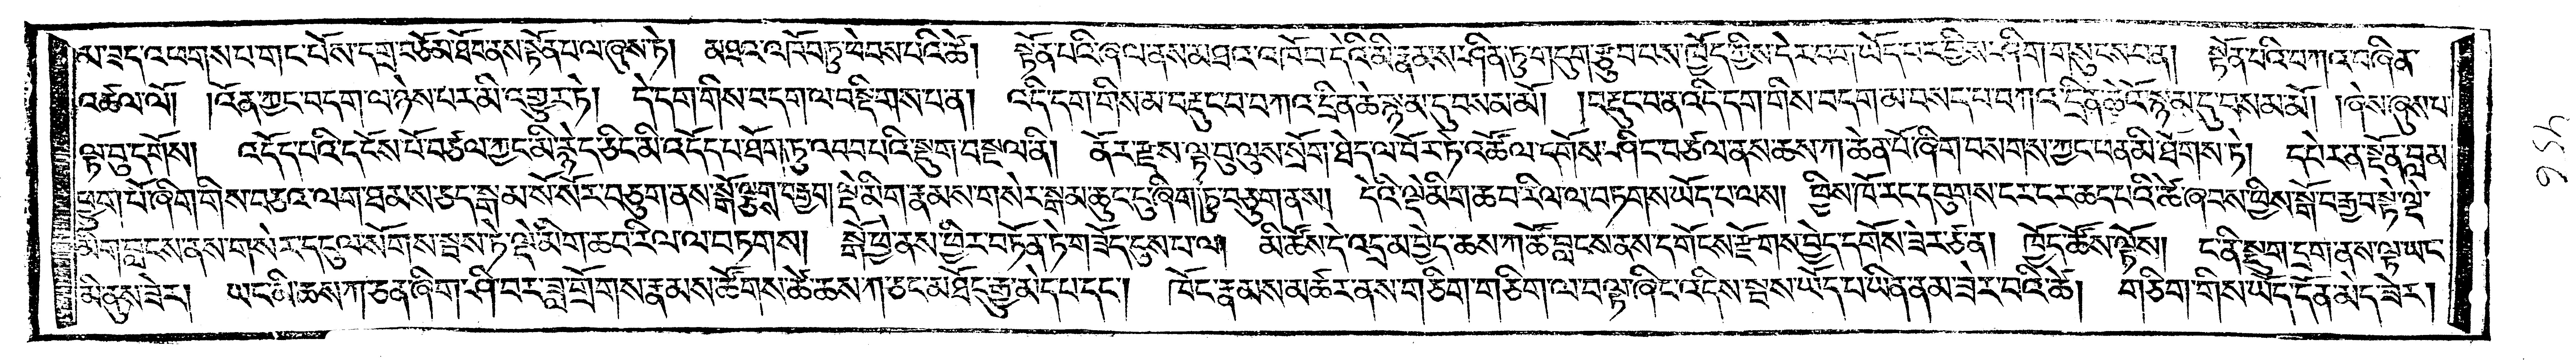མ་ཟད་འཕགས་པ་གང་པོས་དགྲ་བཅོམ་ཐོབ་ནས་སྟོན་པ་ལ་ཞུས་ཏེ། མཐའ་འཁོབ་ཏུ་ཕེབས་པའི་ཚེ། སྟོན་པའི་ཞལ་ནས་མཐའ་འཁོབ་དེའི་མི་རྣམས་ཤིན་ཏུ་གདུག་རྩུབ་བས་ཁྱོད་ཀྱིས་དེར་བག་ཡོད་པར་གྱིས་ཤིག་གསུངས་པ་ན། སྟོན་པའི་བཀའ་བཞིན་
འཚལ་ལོ། །འོན་ཀྱང་བདག་ལ་ཉེས་པར་མི་འགྱུར་ཏེ། དེ་དག་གིས་བདག་ལ་བསྡིགས་པ་ན། འདི་དག་གིས་མ་བརྡུང་བ་བཀའ་དྲིན་ཆེ་སྙམ་དུ་བསམ་མོ། །བརྡུང་བ་ན་འདི་དག་གིས་བདག་མ་བསད་པ་བཀའ་དྲིན་ཆེའོ་སྙམ་དུ་བསམ་མོ། །ཞེས་ཞུས་པ་
ལྟ་བུ་དགོས། འདོད་པའི་དངོས་པོ་བཙལ་ཀྱང་མི་རྙེད་ཅིང་མི་འདོད་པ་ཐོག་ཏུ་འབབ་པའི་སྡུག་བསྔལ་ནི། ནོར་རྫས་ལྟ་བུ་ལུས་སྲོག་ཐེག་ལ་བོར་ཏེ་འཚོལ་དགོས་ཤིང་བཙ་ནས་ཆས་ཀ་ཆེན་པོ་ཞིག་བསགས་ཀྱང་ཕན་མི་ཐོགས་ཏེ། དཔེར་ན་སྔོན་བླ་མ་
ཕྱག་པོ་ཞིག་གིས་བཅའ་ལག་ཐམས་ཅད་སྒམ་སོ་སོང་བཅུག་ནས་སྒོ་ལྕགས་བརྒྱག་ལྡེ་མིག་རྣམས་གསེར་སྒམ་ཆུང་དུ་ཞིག་ཏུ་བཅུག་ནས། དེའི་ལྡེ་མིག་ཆ་བ་རིལ་ལ་བཏགས་ཡོད་པ་ལས། ཕྱིས་ཁོ་རང་དབུགས་ངར་ངར་ཆད་པའི་ཚེ་ཞབས་ཕྱིས་སྒོ་བརྒྱབ་སྟེ་ལྡེ་
མིག་བླངས་ནས་གསེར་དངུལ་སོགས་སྦས་ཏེ་ལྡེ་མིག་ཆབ་རིལ་ལ་བཏགས། སྒོ་བྱེ་ནས་ཕྱིར་བཏོན་ཏེ་གཟོད་དུས་པ་ལ། མི་ཚོར་དེ་འདྲ་མ་བྱེད་ཆས་ཀ་ཚོ་བླངས་ནས་དགོངས་རྫོགས་བྱེད་དགོས་ཟེར་ཙ་ན། ཁྱོད་ཚོས་ལྟོས། ང་ནི་སྡུག་དྲག་ནས་ལྟ་ཡང་
མི་ནུས་ཟེར། ཡང་མི་ཆས་གཅན་ཞིག་ཤི་བར་ཟླ་གྲོགས་རྣམས་ཚོགས་ཚེ་ཆས་ཀ་ཅང་མཐོང་རྒྱུ་མེད་པ་དང་། ཁོང་རྣམས་མཚར་ནས་གཅིག་གཅིག་ལ་བལྟ་ཞིང་འདིས་སྦས་ཡོད་པ་ཡིན་ནམ་ཟེར་བའི་ཚེ། གཅིག་གིས་ཡོད་དོན་མེད་ཟེར་